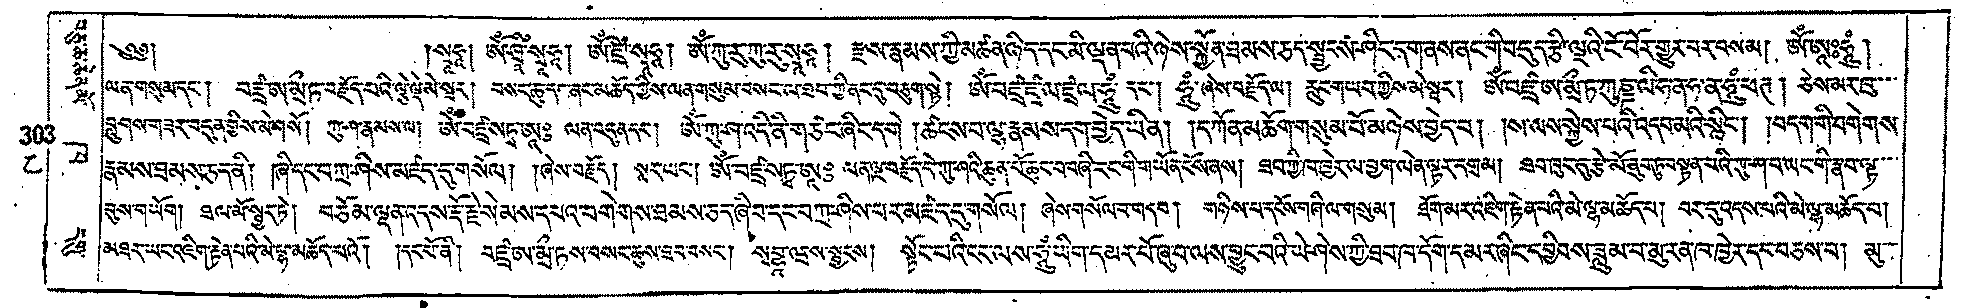༄༅། །སྭཱཧཱ། ཨོཾ་ཤྲཱིཾ་སྭཱཧཱ། ཨོཾ་ཛྲིཾ་སྭཱཧཱ། ཨོཾ་ཀུ་རུ་ཀུ་རུ་སྭཱཧཱ། རྫས་རྣམས་ཀྱི་མཚན་ཉིད་དང་མི་ལྡན་པའི་ཉེས་སྐྱོན་ཐམས་ཅད་སྦྱངས་ཤིང་དག་ནས་ནང་གི་བདུད་རྩི་ལྔའི་ངོ་བོར་གྱུར་པར་བསམ། ཨོཾ་ཨཱཿཧཱུཾ།
ལན་གསུམ་དང་།  བཛྲ་ཨ་མྲྀ་ཏ་བརྗོད་པའི་ལྕེ་ལྡེ་མེ་སྦར། བསང་ཆུ་དང་ནང་མཆོད་ཀྱིས་ལན་གསུམ་བསང་ལ་ཐབ་ཀྱི་ནང་དུ་བཅུག་སྟེ། ཨོཾ་བཛྲ་ཛྭ་ལ་ཛྭ་ལ་ཧཱུཾ་དང་། ཧཱུཾ་ཞེས་བརྗོད་ལ། རླུང་གཡབ་ཀྱིས་མེ་སྦར།  ཨོཾ་བཛྲ་ཨ་མྲྀ་ཏ་ཀུཎྜ་ལི་ཧ་ན་ཧ་ན་ཧཱུཾ་ཕཌ། ཅེས་མར་ཁུ་་་
བླུགས་གཟར་བདུན་གྱིས་མེ་གསོ། ཀུ་ཤ་རྣམས་ལ། ཨོཾ་བཛྲ་སཏྭ་ཨཱཿ ལན་བདུན་དང་།  ཨོཾ་ཀུ་ཤ་འདི་ནི་གཙང་ཞིང་དགེ །ཚངས་པ་ལྷ་རྣམས་དག་བྱེད་ཡིན། །དཀོན་མཆོག་གསུམ་པོ་མཉེས་བྱེད་པ། །ས་ལས་སྐྱེས་པའི་འདབ་མའི་སྙིང་། །བདག་གི་བགེགས་
རྣམས་ཐམས་ཅད་ནི། །ཞི་དང་བཀྲ་ཤིས་མཛད་དུ་གསོལ། །ཞེས་བརྗོད། སླར་ཡང་།  ཨོཾ་བཛྲ་སཏྭ་ཨཱཿ ལན་ལྔ་བརྗོད་དེ་ཀུ་ཤའི་ཆུན་པོ་ཆུང་བ་བཞི་རང་གི་གཡོན་ངོས་ནས། ཐབ་ཀྱི་ཁ་ཁྱེར་ལ་ཕྱག་ལེན་ལྟར་དགྲམ། ཐབ་ཁུང་དུ་རྩེ་མོ་ནུབ་ཏུ་བསྟན་པའི་ཀུ་ཤ་བ་ལང་གི་རྣ་བ་ལྟ་་་
བུས་གཡོག། ཐལ་མོ་སྦྱར་ཏེ། བཅོམ་ལྡན་འདས་རྡོ་རྗེ་སེམས་དཔའ་བགེགས་ཐམས་ཅད་ཞི་བ་དང་བཀྲ་ཤིས་པར་མཛད་དུ་གསོལ། ཞེས་གསོལ་བ་གདབ། གཉིས་པ་དངོས་གཞི་ལ་གསུམ། ཐོག་མར་འཇིག་རྟེན་པའི་མེ་ལྷ་མཆོད་པ། བར་དུ་འདས་པའི་མེ་ལྷ་མཆོད་པ།
མཐར་ཡང་འཇིག་རྟེན་པའི་མེ་ལྷ་མཆོད་པའོ། །དང་པོ་ནི། བཛྲ་ཨ་མྲྀ་ཏས་བསང་ཆུས་ཐབ་བསང་།  སྭབྷཱ་ཝས་སྦྱངས།  སྟོང་པའི་ངང་ལས་ཧཱུཾ་ཡིག་དམར་པོ་ཞུ་བ་ལས་བྱུང་བའི་ཡེ་ཤེས་ཀྱི་ཐབ་ཁ་དོག་དམར་ཞིང་དབྱིབས་ཟླུམ་པ་མུ་རན་ཁ་ཁྱེར་དང་བཅས་པ། མུ་་་